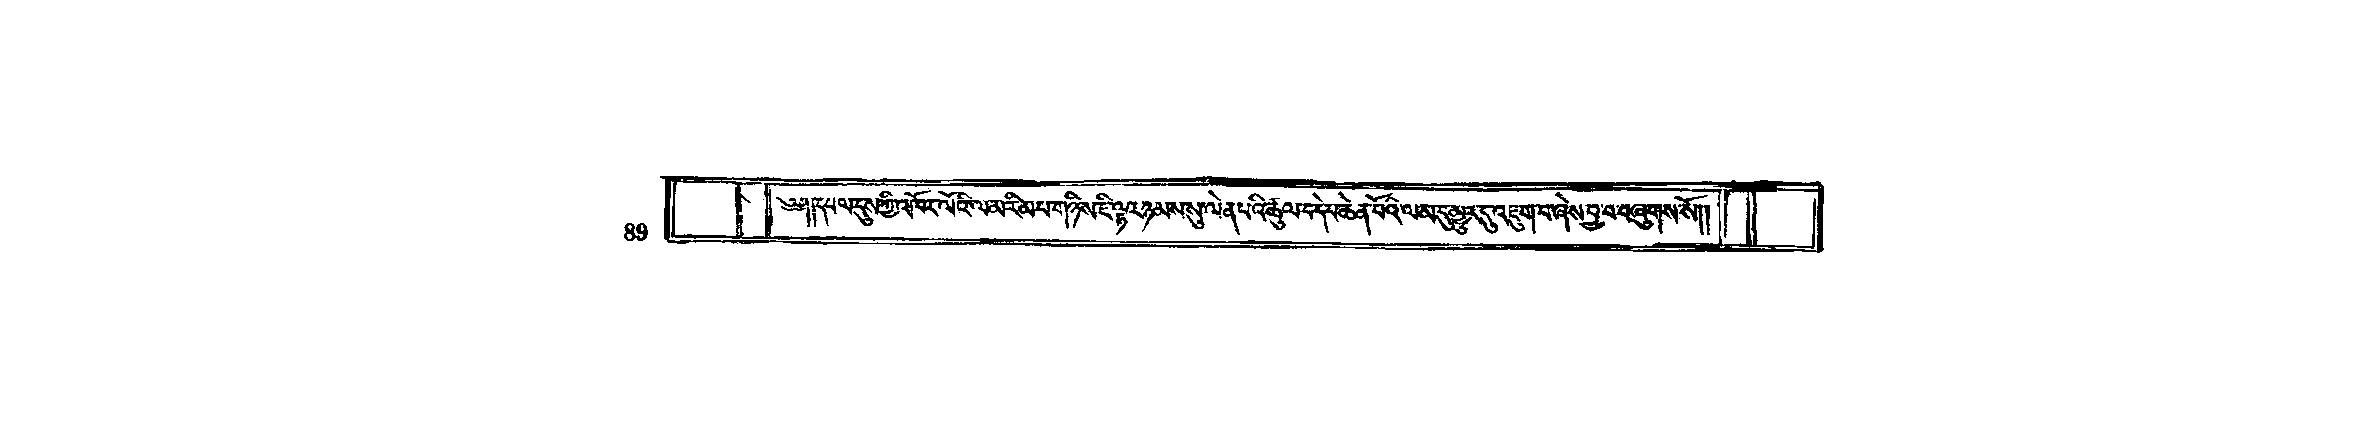༄༅། །དཔལ་དུས་ཀྱི་འཁོར་ལོའི་ལམ་རིམ་པ་གཉིས་ཇི་ལྟར་ཉམས་སུ་ལེན་པའི་ཚུལ་བདེ་བ་ཆེན་པོའི་ལམ་དུ་མྱུར་དུ་འཇུག་པ་ཞེས་བྱ་བ་བཞུགས་སོ། །